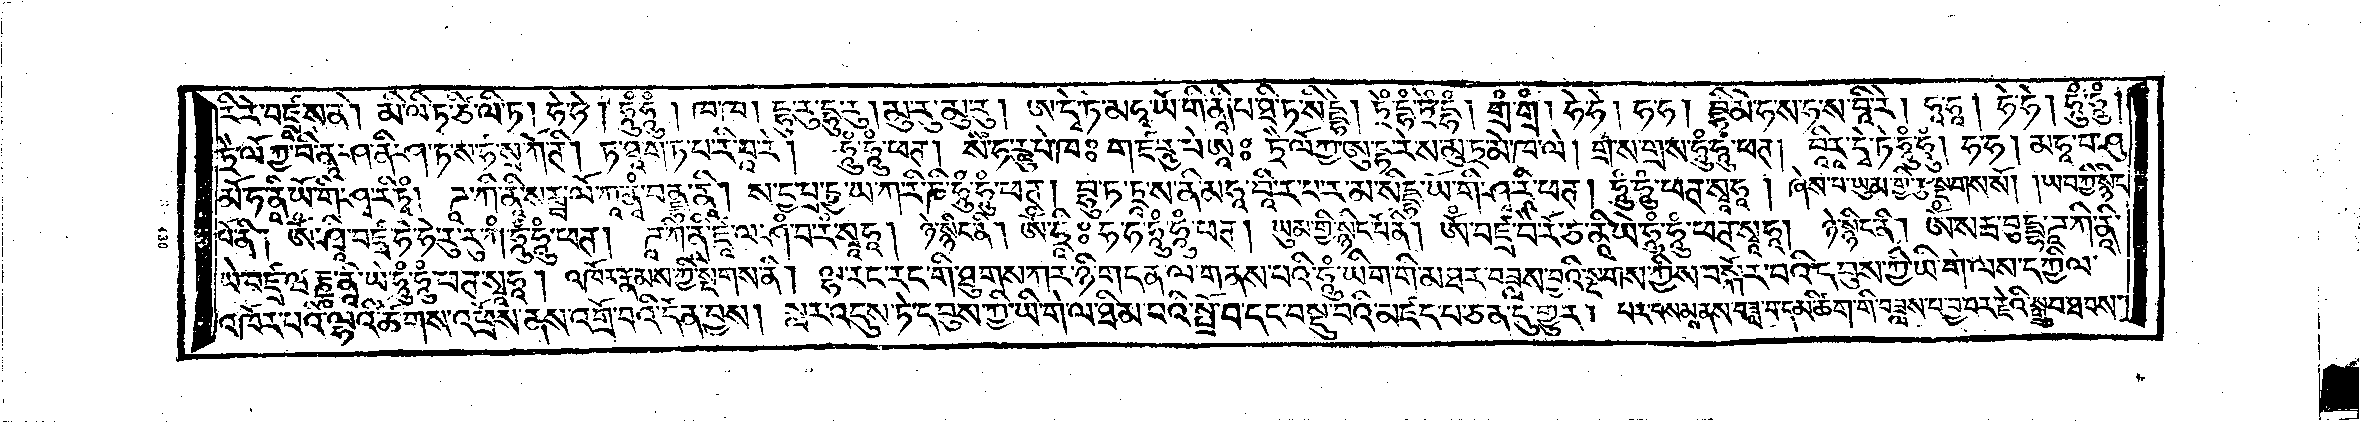རི་རེ་བཛྲ་ས་ནེ། མི་ལི་ཏ་ཙི་ལི་ཏ། ཧེ་ཧེ། ཧཱུཾ་ཧཱུཾ། ཁ་ཁ། དྷུ་རུ་དྷུ་རུ་།མུ་རུ་མུ་རུ། ཨ་དྭེ་ཏེ་མཧཱ་ཡོ་གི་ནཱི། པ་ཐི་ཏ་སིདྡྷེ། ཏྲེཾ་དྷཾ་ཏྲེཾ་དྷཾ། གྲཾ་གྲཾ། ཧེ་ཧེ། ཧ་ཧ། བྷི་མེ་ཧ་ས་ཧ་ས་བཱི་རེ། ཧཱ་ཧཱ། ཧེ་ཧེ། ཧཱུཾ་ཧཱུཾ་
ཏྲཻ་ལོ་ཀྱ་བི་ནཱ་ཤ་ནི་ཤ་ཏ་ས་ཧ་སྲ་ཀོ་ཊི། ཏ་ཐཱ་ག་ཏ་པ་རི་བཱ་རེ། ཧཱུཾ་ཧཱུཾ་ཕཊ། སིཾ་ཧ་རཱུ་པེ་ཁཿ ག་ཛ་རཱུ་པེ་ཨཱཿ ཏྲཻ་ལོ་ཀྱ་ཨུ་དྷ་རེ་ས་མུ་ཏྲ་མེ་ཁ་ལེ། གྲ་ས་གྲ་ས་ཧཱུཾ་ཧཱུཾ་ཕཊ། བཱི་རཱ་དྭེ་ཏེ་ཧཱུཾ་ཧཱུཾ། ཧ་ཧ། མཧཱ་པ་ཤུ་
མོ་ཧ་ནཱི་ཡོ་གི་ཤྭ་རི་ཏྭཾ། ཌཱ་ཀི་ནཱི་སརྦྦ་ལོ་ཀཱ་ནཱཾ་བནྡྷ་ནཱི། ས་དྱ་པྲ་དྱ་ཡ་ཀ་རི་ཎི་ཧཱུཾ་ཧཱུཾ་ཕཊ། བྷུ་ཏ་ཏྲཱ་ས་ནི་མཧཱ་བཱི་ར་པ་ར་མ་སིདྡྷ་ཡོ་གི་ཤྭ་རཱི་ཕཊ། ཧཱུཾ་ཧཱུཾ་ཕཊ་སྭཱ་ཧཱ་༑ཞེས་པ་ཡུམ་གྱི་རྩ་སྔགས་སོ། །ཡབ་ཀྱི་སྙིང་
པོ་ནི༑ ཨོཾ་ཤྲཱི་བཛྲ་ཧེ་ཧེ་རུ་རུ་ཀཾ་ཧཱུཾ་ཧཱུཾ་ཕཊ། ཌཱ་ཀི་ནཱི་ཛཱ་ལ་ཤཾ་བ་རཾ་སྭཱཧཱ། ཉེ་སྙིང་ནི།  ཨོཾ་ཧྲཱིཿཧ་ཧ་ཧཱུཾ་ཧཱུཾ་ཕཊ། ཡུམ་གྱི་སྙིང་པོ་ནི།  ཨོཾ་བཛྲ་བཻ་རོ་ཅ་ནཱི་ཡེ་ཧཱུཾ་ཧཱུཾ་ཕཊ་སྭཱཧཱ། ཉེ་སྙིང་ནི།  ཨོཾ་སརྦ་བུདྡྷ་ཌཱ་ཀི་ནཱི་
ཡེ་བཛྲ་ཝརྞྞ་ནཱི་ཡེ་ཧཱུཾ་ཧཱུཾ་ཕཊ་སྭཱཧཱ། འཁོར་རྣམས་ཀྱི་སྔགས་ནི།  ལྷ་རང་རང་གི་ཐུགས་ཀར་ཉི་གདན་ལ་གནས་པའི་ཧཱུཾ་ཡིག་གི་མཐར་བཟླས་བྱའི་སྔགས་ཀྱིས་བསྐོར་བའི་དབུས་ཀྱི་ཡི་གེ་ལས་དཀྱིལ་
འཁོར་པའི་ལྷའི་ཚོགས་འཕྲོས་ནས་འགྲོ་བའི་དོན་བྱས། སླར་འདུས་ཏེ་དབུས་ཀྱི་ཡི་གེ་ལ་ཐིམ་པའི་སྤྲོ་བ་དང་བསྡུ་བའི་མཛད་པ་ཅན་དུ་གྱུར། པར་བསམས་ནས་བཟླ་པ་དམ་ཚིག་གི་བཟླས་པ་བྱ་བར་རྗེའི་སྒྲུབ་ཐབས་